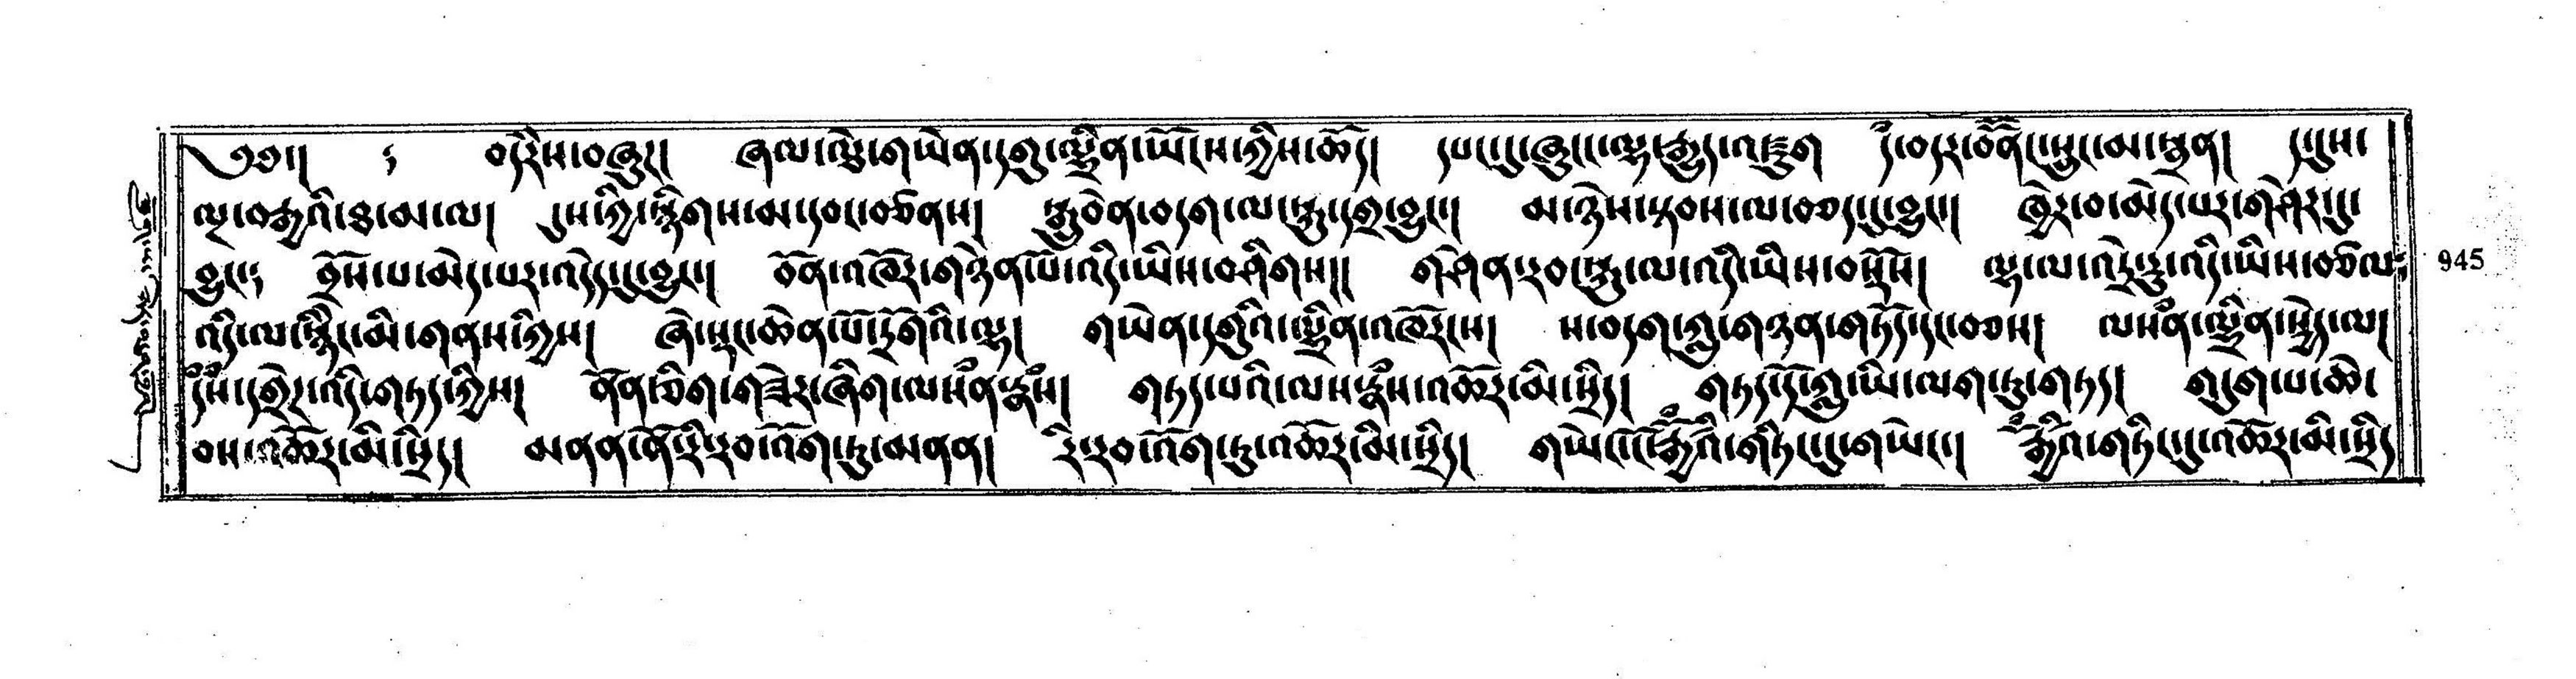བདེར་གཤེགས་བཞུགས། ཞལ་ལྕེ་གཡེན་དགུ་ལྷ་སྲིན་ཡོངས་ཀྱིས་ཆོད། དཔང་དུ་ཞང་ཞུང་ལྷ་རྒྱུད་འཛུག དམ་བདར་བོན་སྐྱོངས་སྲུང་མ་སྦྲན། ད་དུས་
ལྔ་བརྒྱའི་ཐ་མ་ལ། དུས་ཀྱི་སྙིགས་མ་དབང་བཙན་ནས། སྒྲུབ་གཤེན་བདག་ལ་སྐུ་དགྲ་བྱུང་། མ་ཉེས་སྟབས་ལ་བཅད་དུ་བྱུང་། ཁྱེར་བ་མེད་པར་གཤེར་དུ་
བྱུང་། བྲོས་པ་མེད་པར་འདེད་དུ་བྱུང་། བོན་འཁོར་གཉེན་པོ་འདི་ཡིས་བཤིགས།། གཤེན་རབ་སྐུ་ལ་འདི་ཡིས་བསྡོས། ལྷ་ལ་འདྲེ་རུ་འདི་ཡིས་བཙལ། 
འདི་ལ་སྙིང་རྗེ་མི་གནས་ཀྱིས། ཞེ་སྡང་ཆེན་པོ་དྲག་པོའི་ལྷ། གཡེན་དགུའི་ལྷ་སྲིན་འཁོར་དང་བཅས། ས་བདག་ཀླུ་གཉན་གཏོད་དང་བཅས། ལས་མཁན་ལྷ་སྲིན་སྡེ་བརྒྱད་ལ། 
དམ་ཉམས་དགྲ་བགེགས་འདི་གཏད་ཀྱིས། ནོན་ཅིག་གསེར་ཞིག་ལས་མཁན་རྣམས། གཏད་པའི་ལས་རྣམས་འཆོར་མི་སྲིད། གཏད་དོ་ཀླུ་ཡི་ལག་ཏུ་གཏད། གདུག་པ་ཆེ་
བས་འཆོར་མི་སྲིད། མནན་ནོ་རི་རབ་འོག་ཏུ་མནན། རི་རབ་འོག་ཏུ་འཆོར་མི་སྲིད། གཡེང་ངོ་རྒྱ་མཚོའི་གཏིང་དུ་གཡེང་། རྒྱ་མཚོའི་གཏིང་དུ་འཆོར་མི་སྲིད།